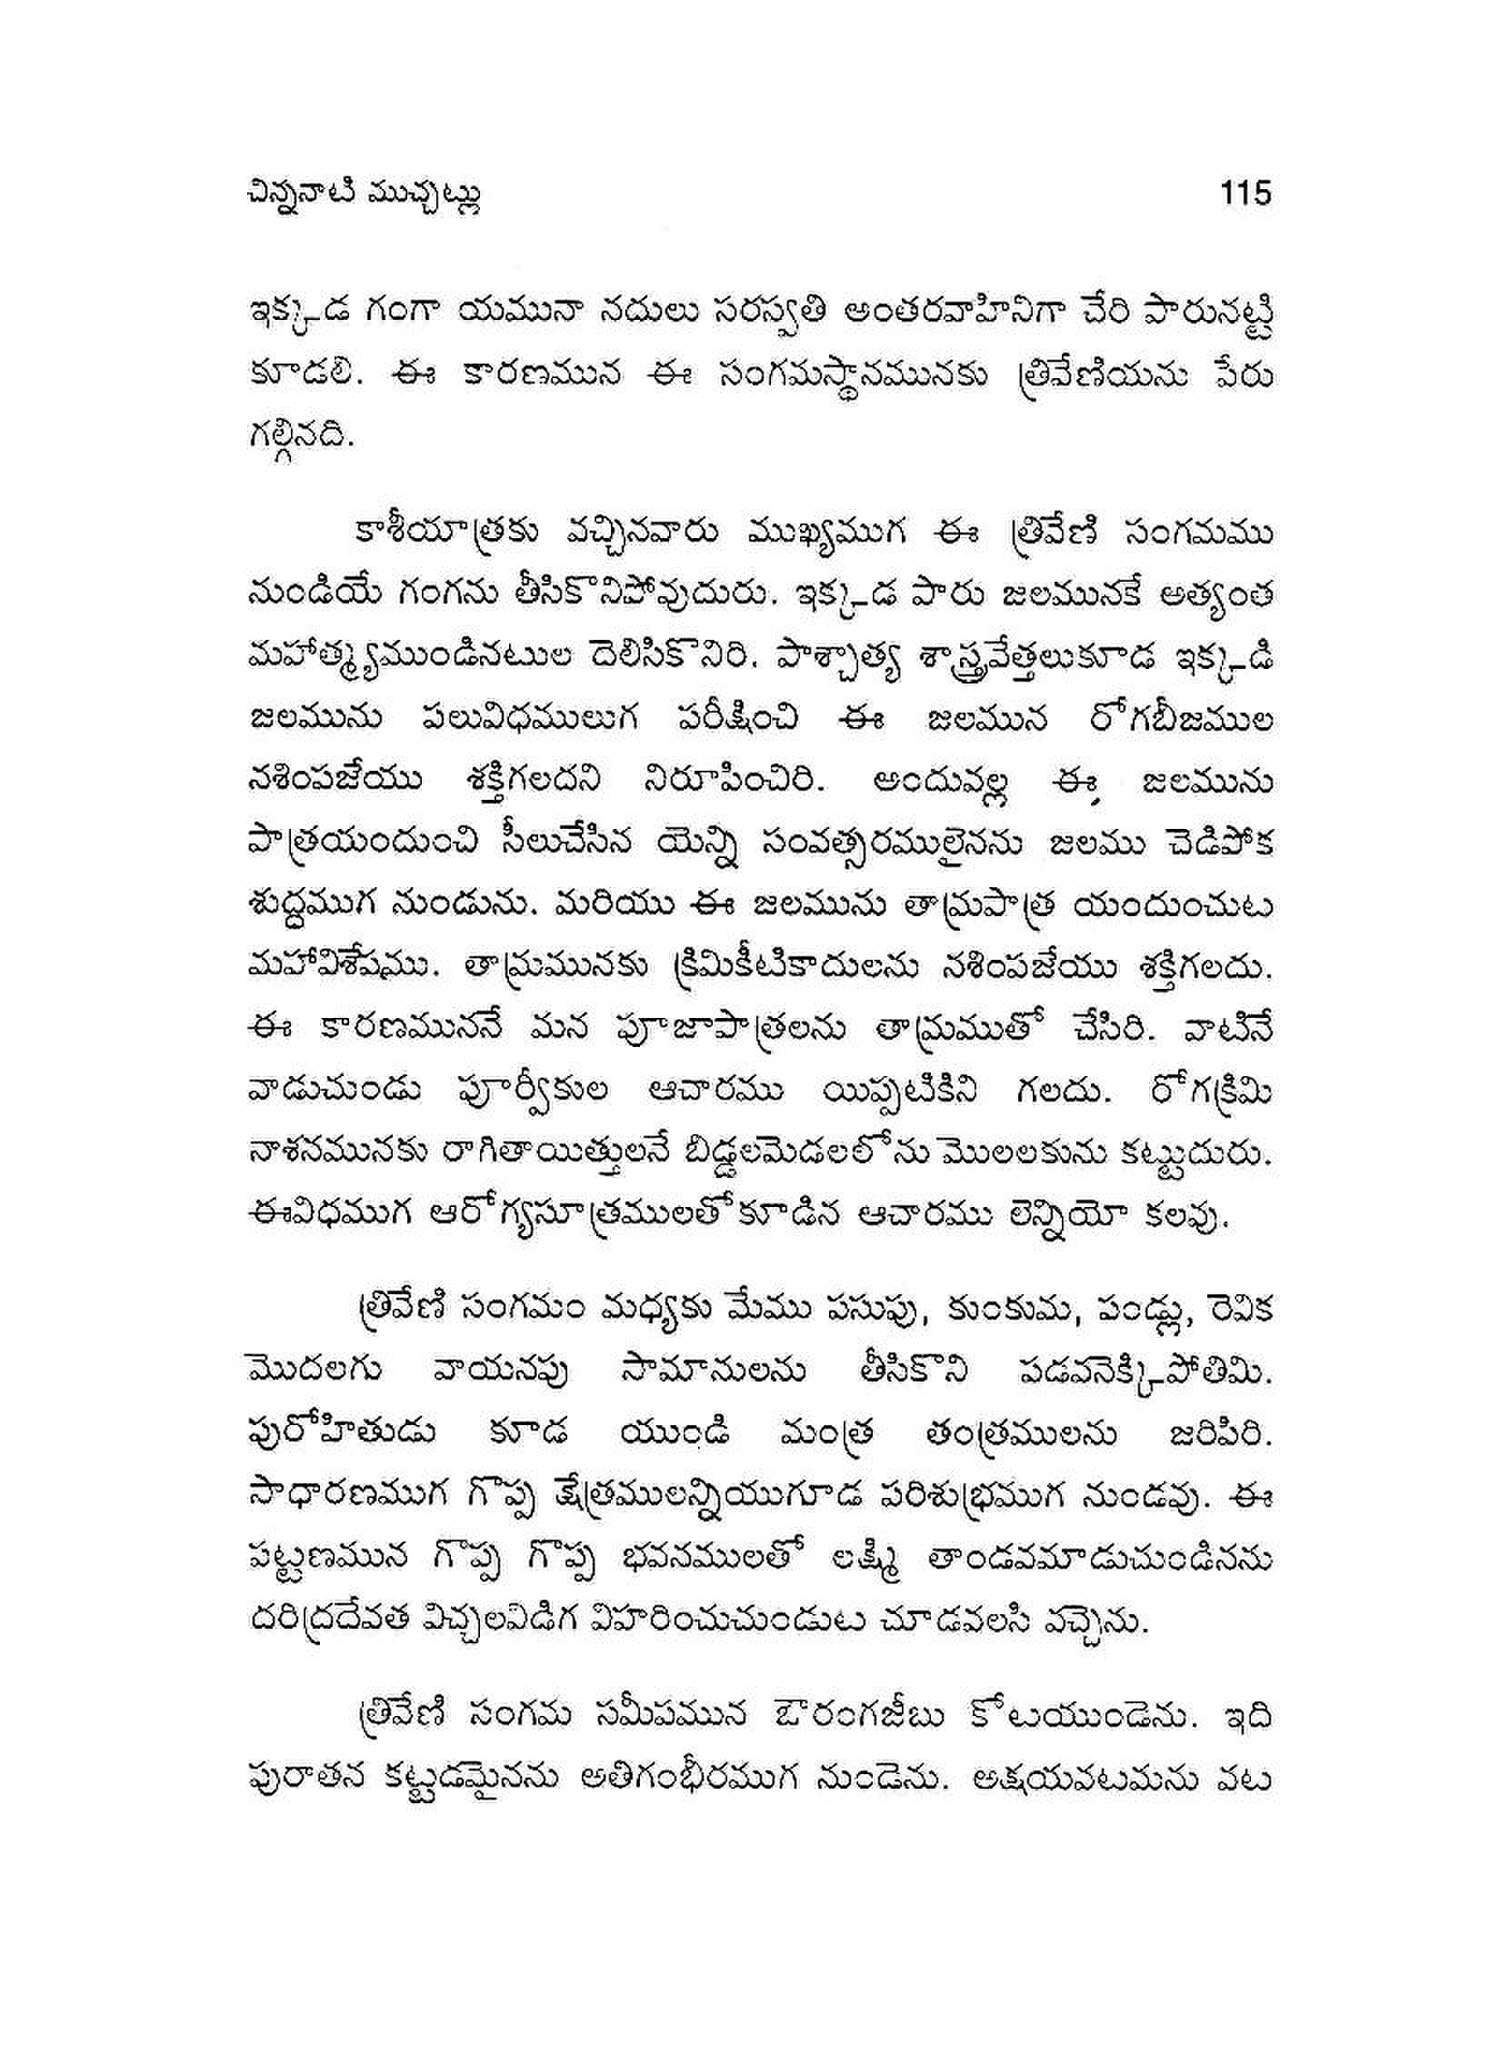ఇక్కడ గంగా యమునా నదులు సరస్వతి అంతరవాహినిగా చేరి పారునట్టి కూడలి. ఈ కారణమున ఈ సంగమస్థానమునకు త్రివేణియను పేరు గల్లినది.

కాశీయాత్రకు వచ్చినవారు ముఖ్యముగ ఈ త్రివేణి సంగమము నుండియే గంగను తీసికొనిపోవుదురు. ఇక్కడ పారు జలమునకే అత్యంత మహాత్మ్యముండినటుల దెలిసికొనిరి. పాశ్చాత్య శాస్త్రవేత్తలుకూడ ఇక్కడి జలమును పలువిధములుగ పరీక్షించి ఈ జలమున రోగబీజముల నశింపజేయు శక్తిగలదని నిరూపించిరి. అందువల్ల ఈ జలమును పాత్రయందుంచి సీలుచేసిన యెన్ని సంవత్సరములైనను జలము చెడిపోక శుద్దముగ నుండును. మరియు ఈ జలమును తామ్రపాత్ర యందుంచుట మహావిశేషము. తామ్రమునకు క్రిమికీటికాదులను నశింపజేయు శక్తిగలదు. ఈ కారణముననే మన పూజాపాత్రలను తామ్రముతో చేసిరి. వాటినే వాడుచుండు పూర్వీకుల ఆచారము యిప్పటికిని గలదు. రోగక్రిమి నాశనమునకు రాగితాయిత్తులనే బిడ్డలమెడలలోను మొలలకును కట్టుదురు. ఈవిధముగ ఆరోగ్యసూత్రములతోకూడిన ఆచారము లెన్నియో కలవు.

త్రివేణి సంగమం మధ్యకు మేము పసుపు, కుంకుమ, పండ్లు, రెవిక మొదలగు వాయనపు సామానులను తీసికొని పడవనెక్కిపోతిమి. పురోహితుడు కూడ యుండి మంత్ర తంత్రములను జరిపిరి. సాధారణముగ గొప్ప క్షేత్రములన్నియుగూడ పరిశుభ్రముగ నుండవు. ఈ పట్టణమున గొప్ప గొప్ప భవనములతో లక్ష్మి తాండవమాడుచుండినను దరిద్రదేవత విచ్చలవిడిగ విహరించుచుండుట చూడవలసి వచ్చెను.

త్రివేణి సంగమ సమీపమున ఔరంగజీబు కోటయుండెను. ఇది పురాతన కట్టడమైనను అతిగంభీరముగ నుండెను. అక్షయవటమను వట